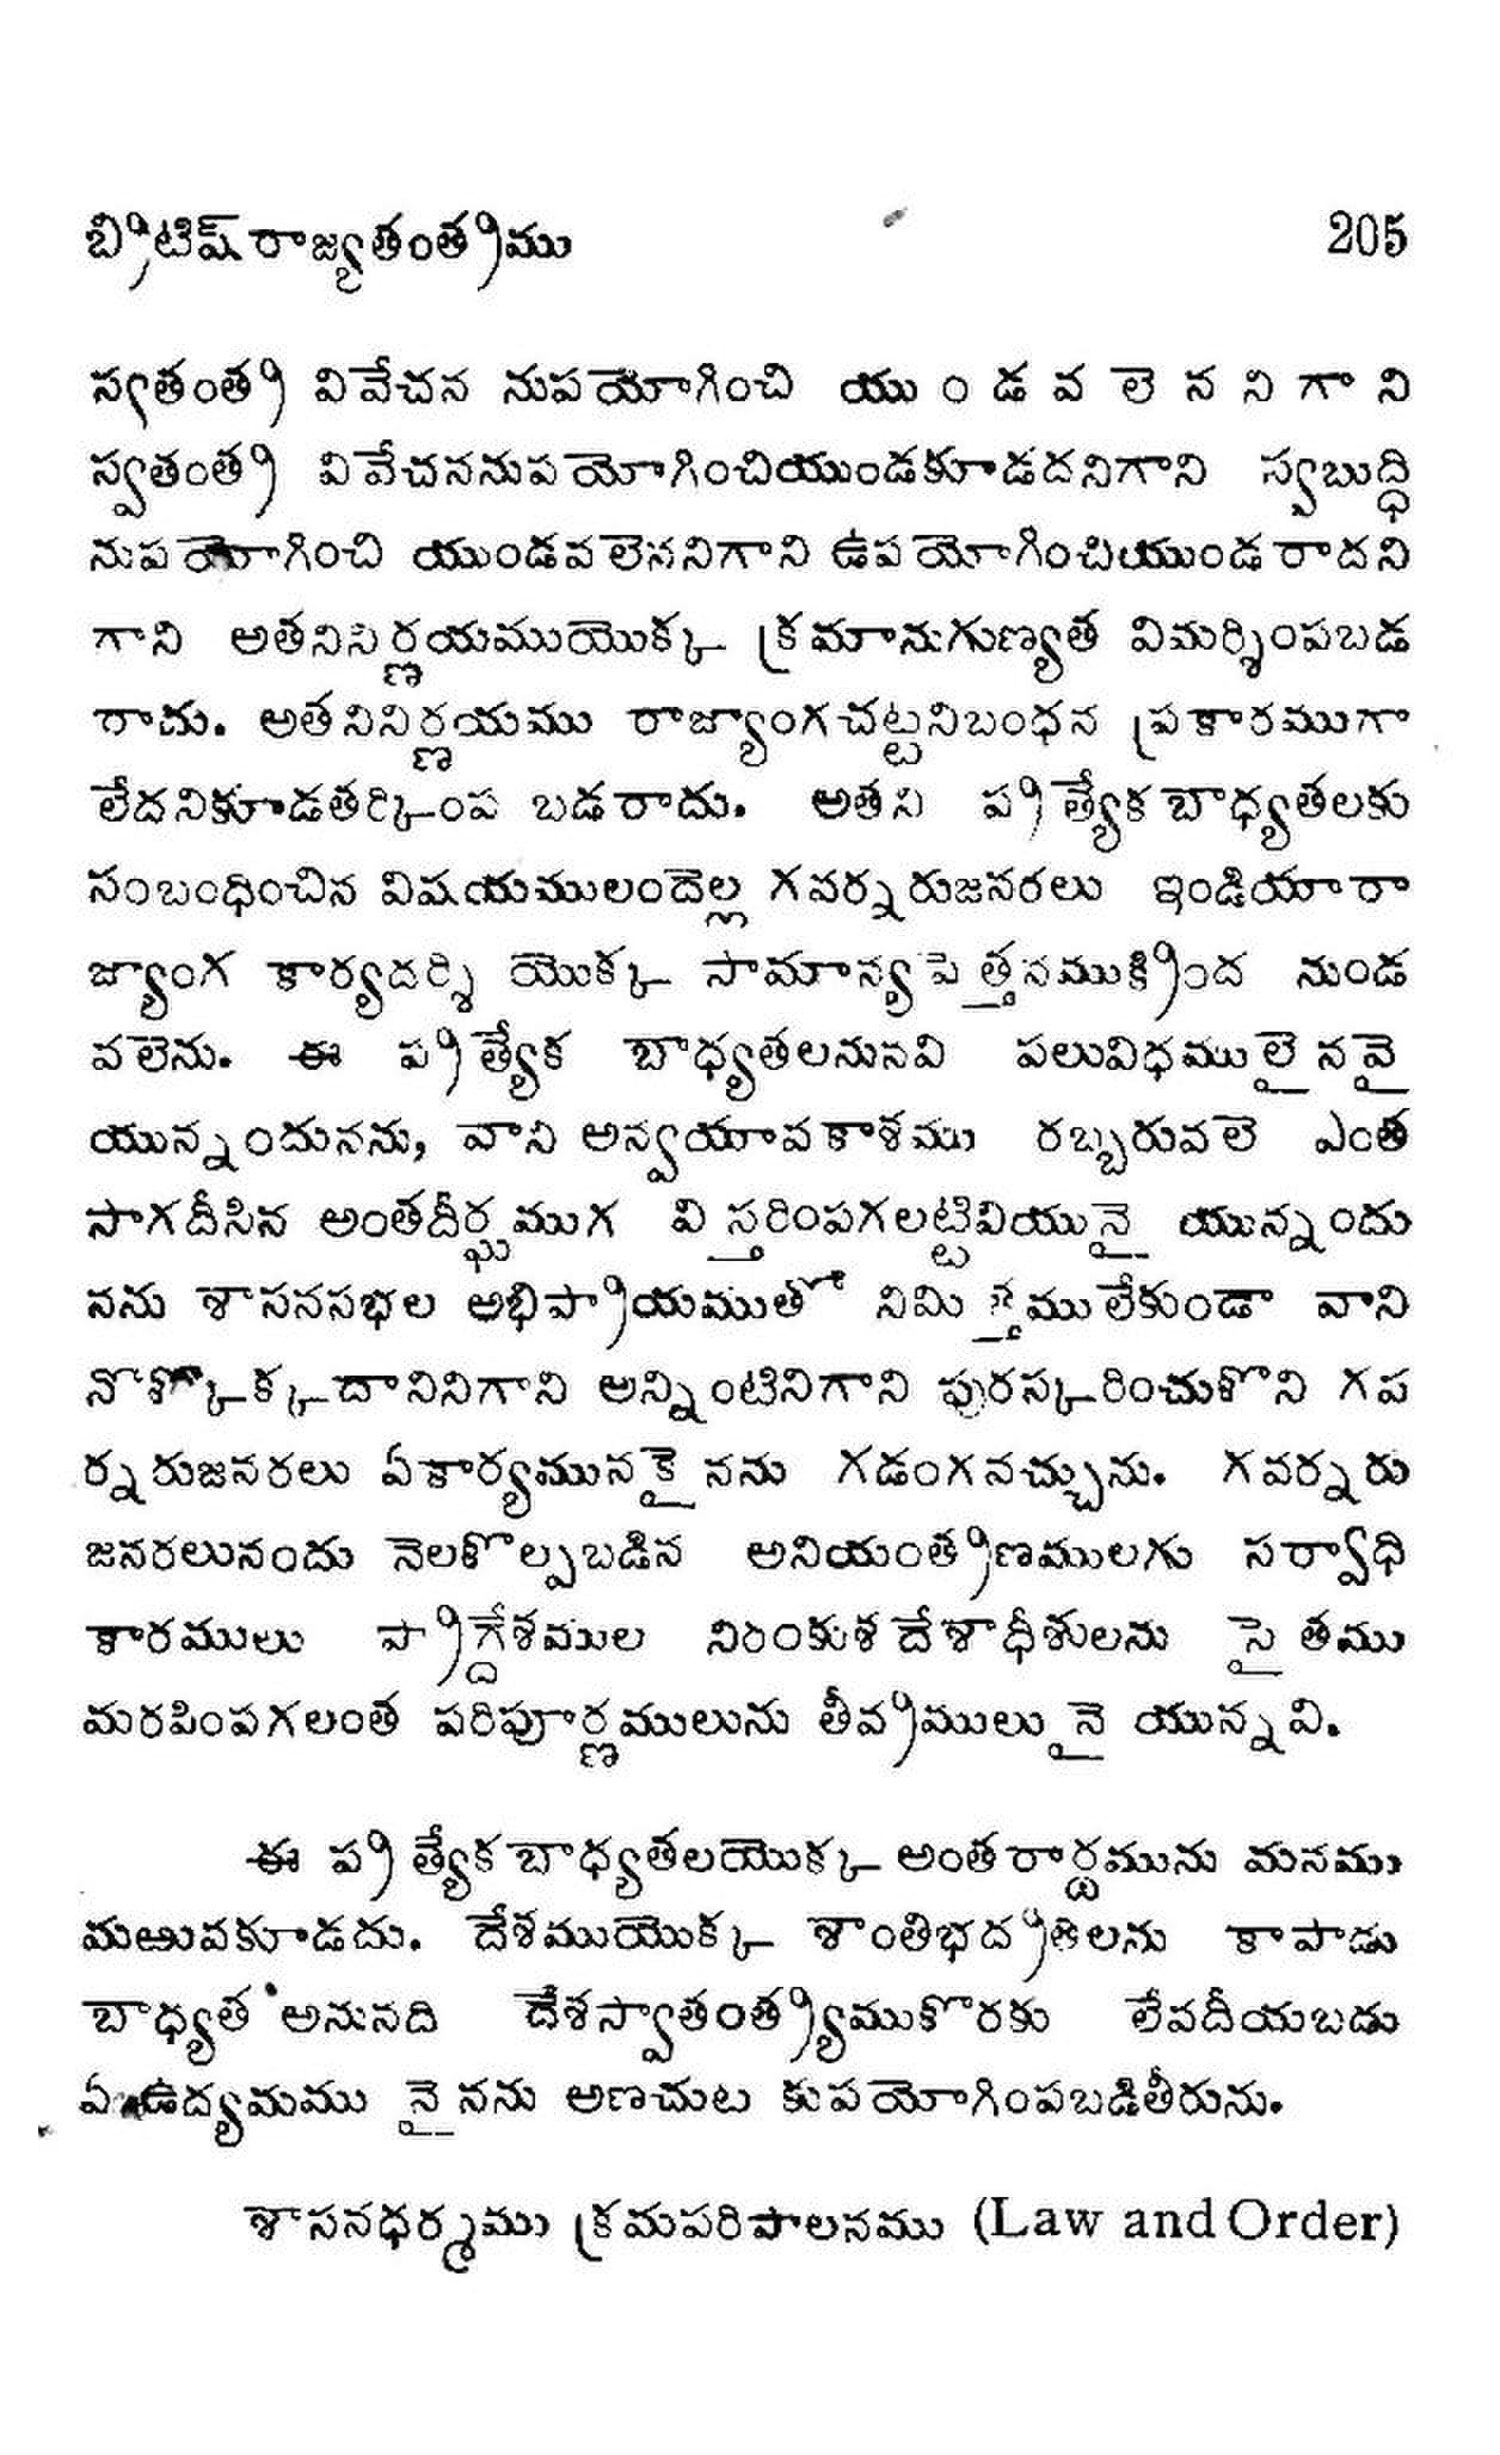స్వతంత్ర వివేచన నుపయోగించి యుండవలెననిగాని స్వతంత్ర వివేచననుపయోగించియుండకూడదనిగాని స్వబుద్ధి సుపయోగించి యుండవలెననిగాని ఉపయోగించియుండరాదని గాని అతనినిర్ణయముయొక్క క్రమానుగుణ్యత విమర్శింపబడరాదు. అతనినిర్ణయము రాజ్యాంగచట్టనిబంధన ప్రకారముగాలేదనికూడతర్కింప బడరాదు. అతని ప్రత్యేకబాధ్యతలకు సంబంధించిన విషయములందెల్ల గవర్నరుజనరలు ఇండియారాజ్యాంగ కార్యదర్శి యొక్క సామాన్య పెత్తనముక్రింద నుండవలెను. ఈ ప్రత్యేక బాధ్యతలనునవి పలువిధములైనవై యున్నందునను, వాని అన్వయావకాశము రబ్బరువలె ఎంత సాగదీసిన అంతదీర్ఘముగ విస్తరింపగలట్టివియునై యున్నందునను శాసనసభల అభిప్రాయముతో నిమిత్తములేకుండా వాని నొక్కొక్క దానినిగాని అన్నింటినిగాని పురస్కరించుకొని గవర్నరుజనరలు ఏకార్యమునకైనను గడంగవచ్చును. గవర్నరు జనరలునందు నెలకొల్పబడిన అనియంత్రణములగు సర్వాధికారములు ప్రాగ్దేశముల నిరంకుశదేశాధీశులను సైతము మరపింపగలంత పరిపూర్ణములును తీవ్రములు నై యున్నవి.

ఈ ప్రత్యేకబాధ్యతలయొక్క అంతరార్థమును మనము మఱువకూడదు. దేశముయొక్క శాంతిభద్రతలను కాపాడు బాధ్యత అనునది దేశస్వాతంత్ర్యముకొరకు లేవదీయబడు ఏ ఉద్యమము నైనను అణచుట కుపయోగింపబడితీరును.

శాసనధర్మము క్రమపరిపాలనము (Law and order)